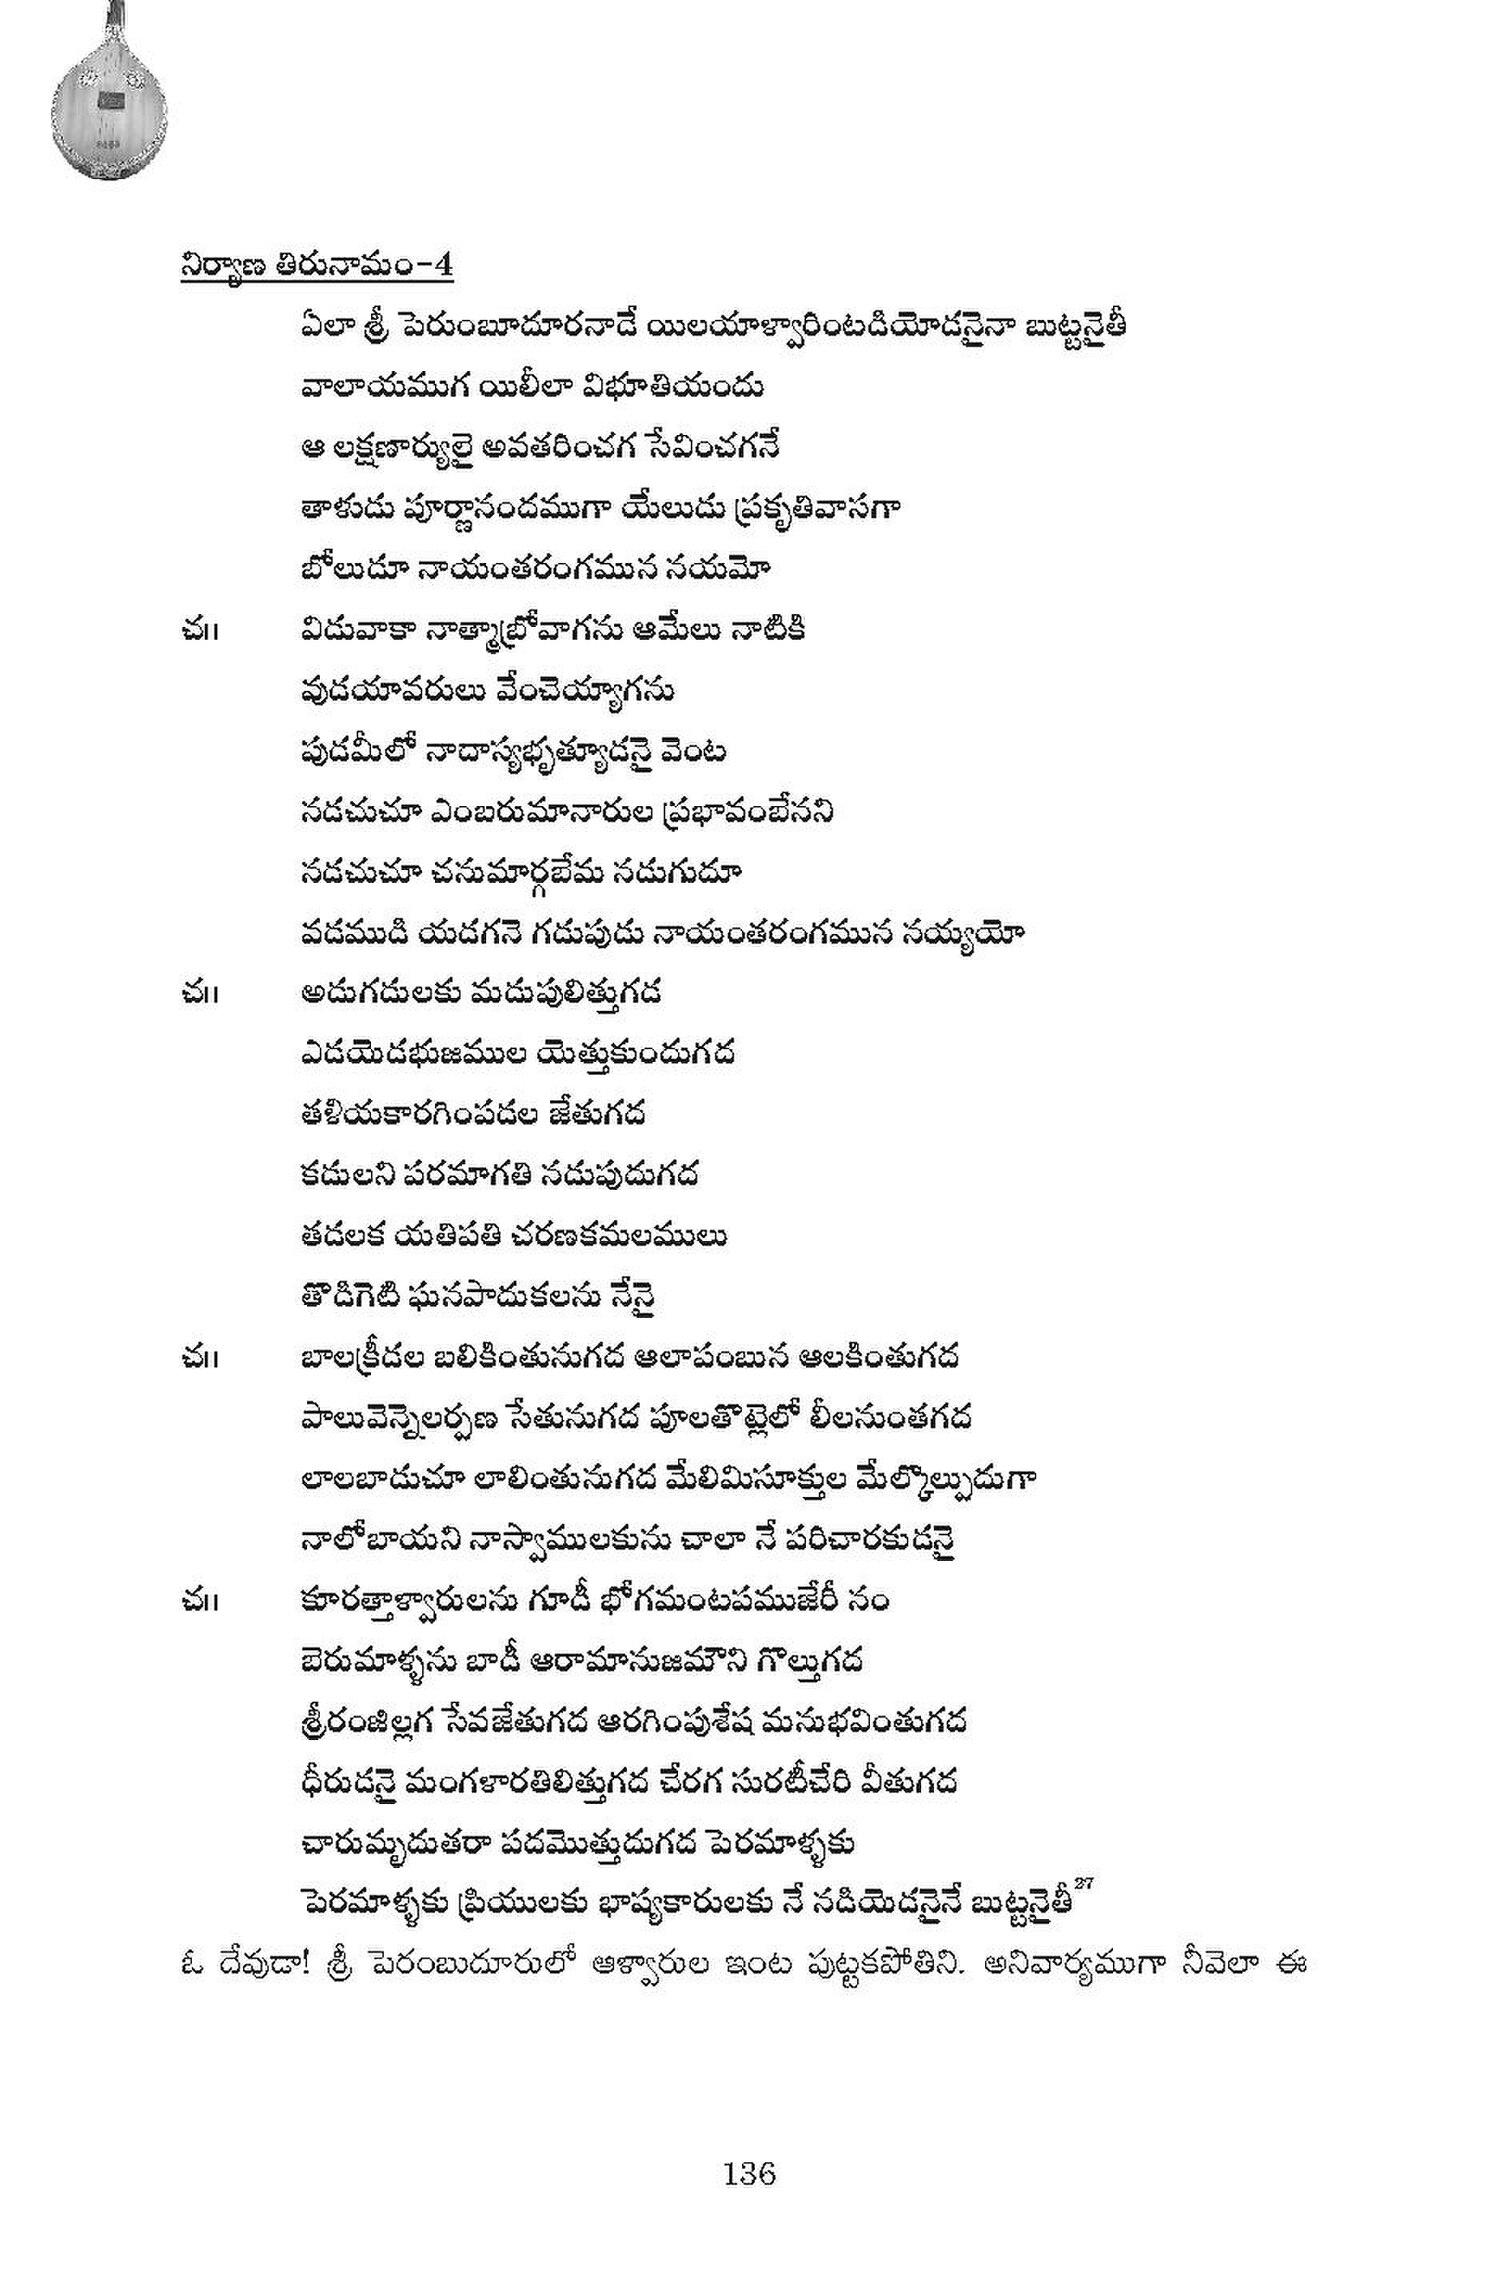నిర్వాణ తిరునామం-4

ఏలా శ్రీ పెరుంబూదూరనాడే యిలయాళ్వారింటడియోడనైనా బుట్టనైతీ
వాలాయముగ యిలీలా విభూతియందు
ఆ లక్షణార్యులై అవతరించగ సేవించగనే
తాళుడు పూర్ణానందముగా యేలుడు ప్రకృతివాసగా
బోలుడూ నాయంతరంగమున నయమో

చ౹౹ విడువాకా నాత్మాబ్రోవాగను ఆమేలు నాటికి
వుడయావరులు వేంచెయ్యాగను
పుడమీలో నాదాస్యభృత్యూడనై వెంట
నడచుచూ ఎంబరుమానారుల ప్రభావంబేనని
నడచుచూ చనుమార్గబేమ నడుగుదూ
వడముడి యదగనె గడుపుడు నాయంతరంగమున నయ్యయో

చ౹౹ అదుగదులకు మదుపులిత్తుగడ
ఎడయెడభుజముల యెత్తుకుందుగద
తళియకారగింపదల జేతుగద
కదులని పరమాగతి నడుపుదుగద
తడలక యతిపతి చరణకమలములు
తొడిగెటి ఘనపాదుకలను నేనై

చ౹౹ బాలక్రీడల బలికింతునుగద ఆలాపంబున ఆలకింతుగద
పాలువెన్నెలర్పణ సేతునుగద పూలతొట్టెలో లీలనుంతగద
లాలబాదుచూ లాలింతునుగద మేలిమిసూక్తుల మేల్కొల్పుదుగా
నాలోబాయని నాస్వాములకును చాలా నే పరిచారకుడనై

చ౹౹ కూరత్తాళ్వారులను గూడీ భోగమంటపముజేరీ నం
బెరుమాళ్ళను బాడీ ఆరామానుజమౌని గొల్తుగద
శ్రీరంజిల్లగ సేవజేతుగద ఆరగింపుశేష మనుభవింతుగద
ధీరుడనై మంగళారతిలిత్తుగద చేరగ సురటీచేరి వీతుగద
చారుమృదుతరా పదమొత్తుదుగద పెరమాళ్ళకు
పెరమాళ్ళకు ప్రియులకు భాష్యకారులకు నే నడియెదనైనే బుట్టనైతీ27 

ఓ దేవుడా! శ్రీ పెరంబుదూరులో ఆళ్వారుల ఇంట పుట్టకపోతిని. అనివార్యముగా నీవెలా ఈ